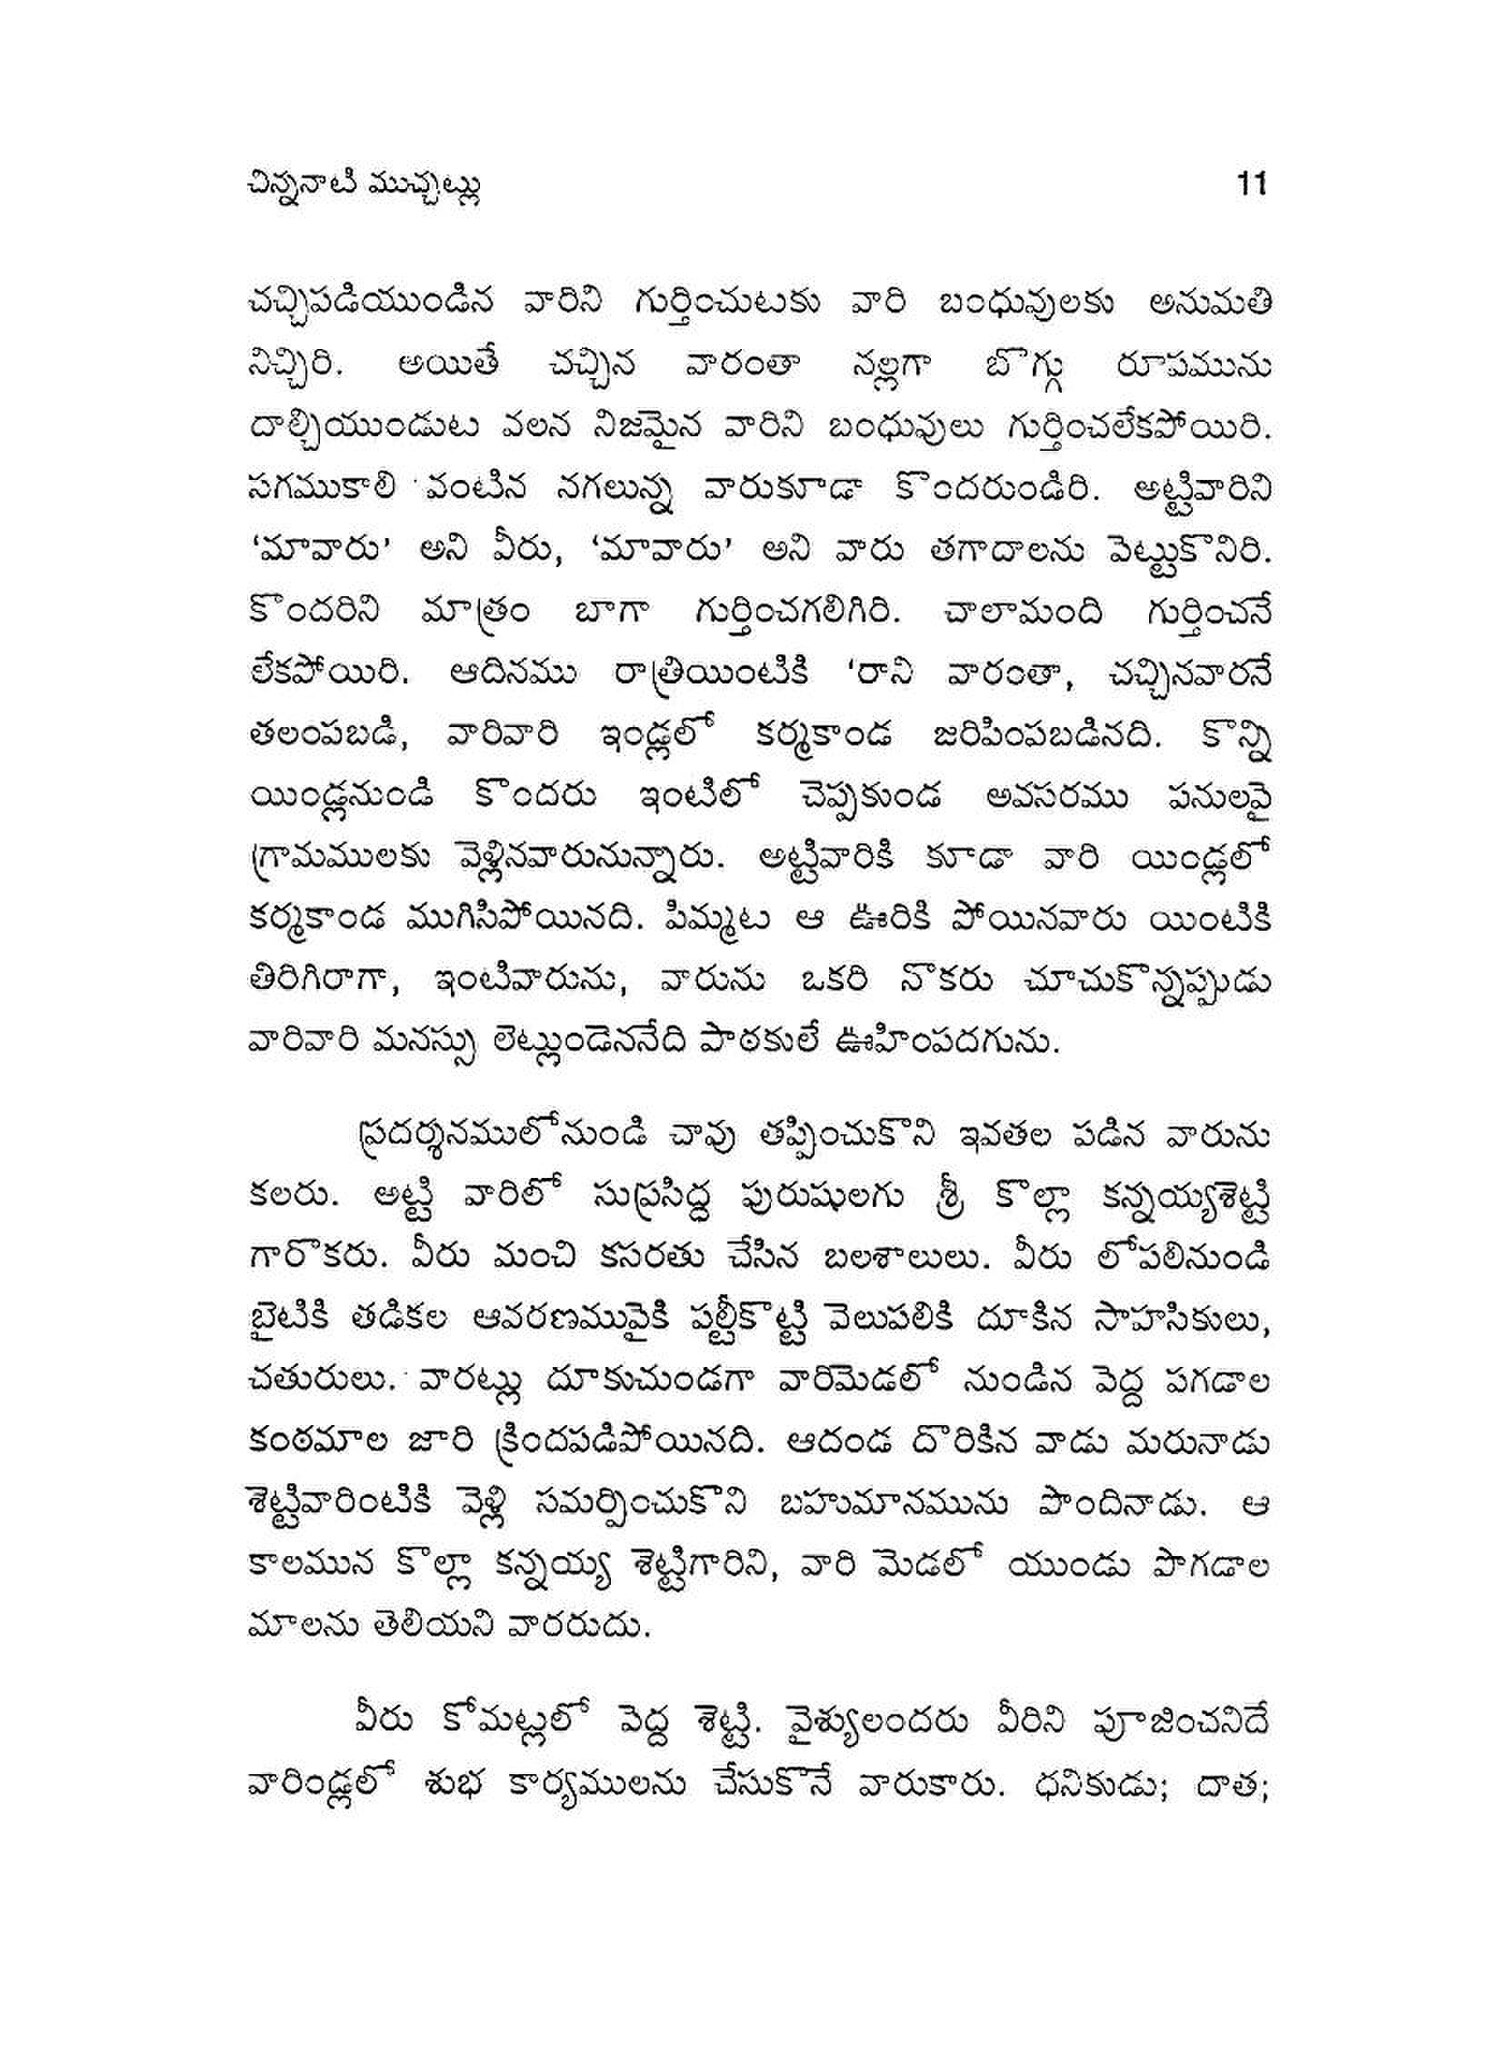చచ్చిపడియుండిన వారిని గుర్తించుటకు వారి బంధువులకు అనుమతి నిచ్చిరి. అయితే చచ్చిన వారంతా నల్లగా బొగ్గు రూపమును దాల్చియుండుట వలన నిజమైన వారిని బంధువులు గుర్తించలేకపోయిరి. సగముకాలి వంటిన నగలున్న వారుకూడా కొందరుండిరి. అట్టివారిని 'మావారు' అని వీరు, 'మావారు' అని వారు తగాదాలను పెట్టుకొనిరి. కొందరిని మాత్రం బాగా గుర్తించగలిగిరి. చాలామంది గుర్తించనే లేకపోయిరి. ఆదినము రాత్రియింటికి 'రాని వారంతా, చచ్చినవారనే తలంపబడి, వారివారి ఇండ్లలో కర్మకాండ జరిపింపబడినది. కొన్ని యిండ్లనుండి కొందరు ఇంటిలో చెప్పకుండ అవసరము పనులపై గ్రామములకు వెళ్లినవారునున్నారు. అట్టివారికి కూడా వారి యిండ్లలో కర్మకాండ ముగిసిపోయినది. పిమ్మట ఆ ఊరికి పోయినవారు యింటికి తిరిగిరాగా, ఇంటివారును, వారును ఒకరి నొకరు చూచుకొన్నప్పడు వారివారి మనస్సు లెట్లుండెననేది పాఠకులే ఊహింపదగును.

ప్రదర్శనములోనుండి చావు తప్పించుకొని ఇవతల పడిన వారును కలరు. అట్టి వారిలో సుప్రసిద్ద పురుషులగు శ్రీ కొల్లా కన్నయ్యశెట్టి గారొకరు. వీరు మంచి కసరతు చేసిన బలశాలులు. వీరు లోపలినుండి బైటికి తడికల ఆవరణముపైకి పల్టీకొట్టి వెలుపలికి దూకిన సాహసికులు, చతురులు. వారట్లు దూకుచుండగా వారిమెడలో నుండిన పెద్ద పగడాల కంఠమాల జారి క్రిందపడిపోయినది. ఆదండ దొరికిన వాడు మరునాడు శెట్టివారింటికి వెళ్లి సమర్పించుకొని బహుమానమును పొందినాడు. ఆ కాలమున కొల్లా కన్నయ్య శెట్టిగారిని, వారి మెడలో యుండు పొగడాల మాలను తెలియని వారరుదు.

వీరు కోమట్లలో పెద్ద శెట్టి. వైశ్యులందరు వీరిని పూజించనిదే వారిండ్లలో శుభ కార్యములను చేసుకొనే వారుకారు. ధనికుడు; దాత;